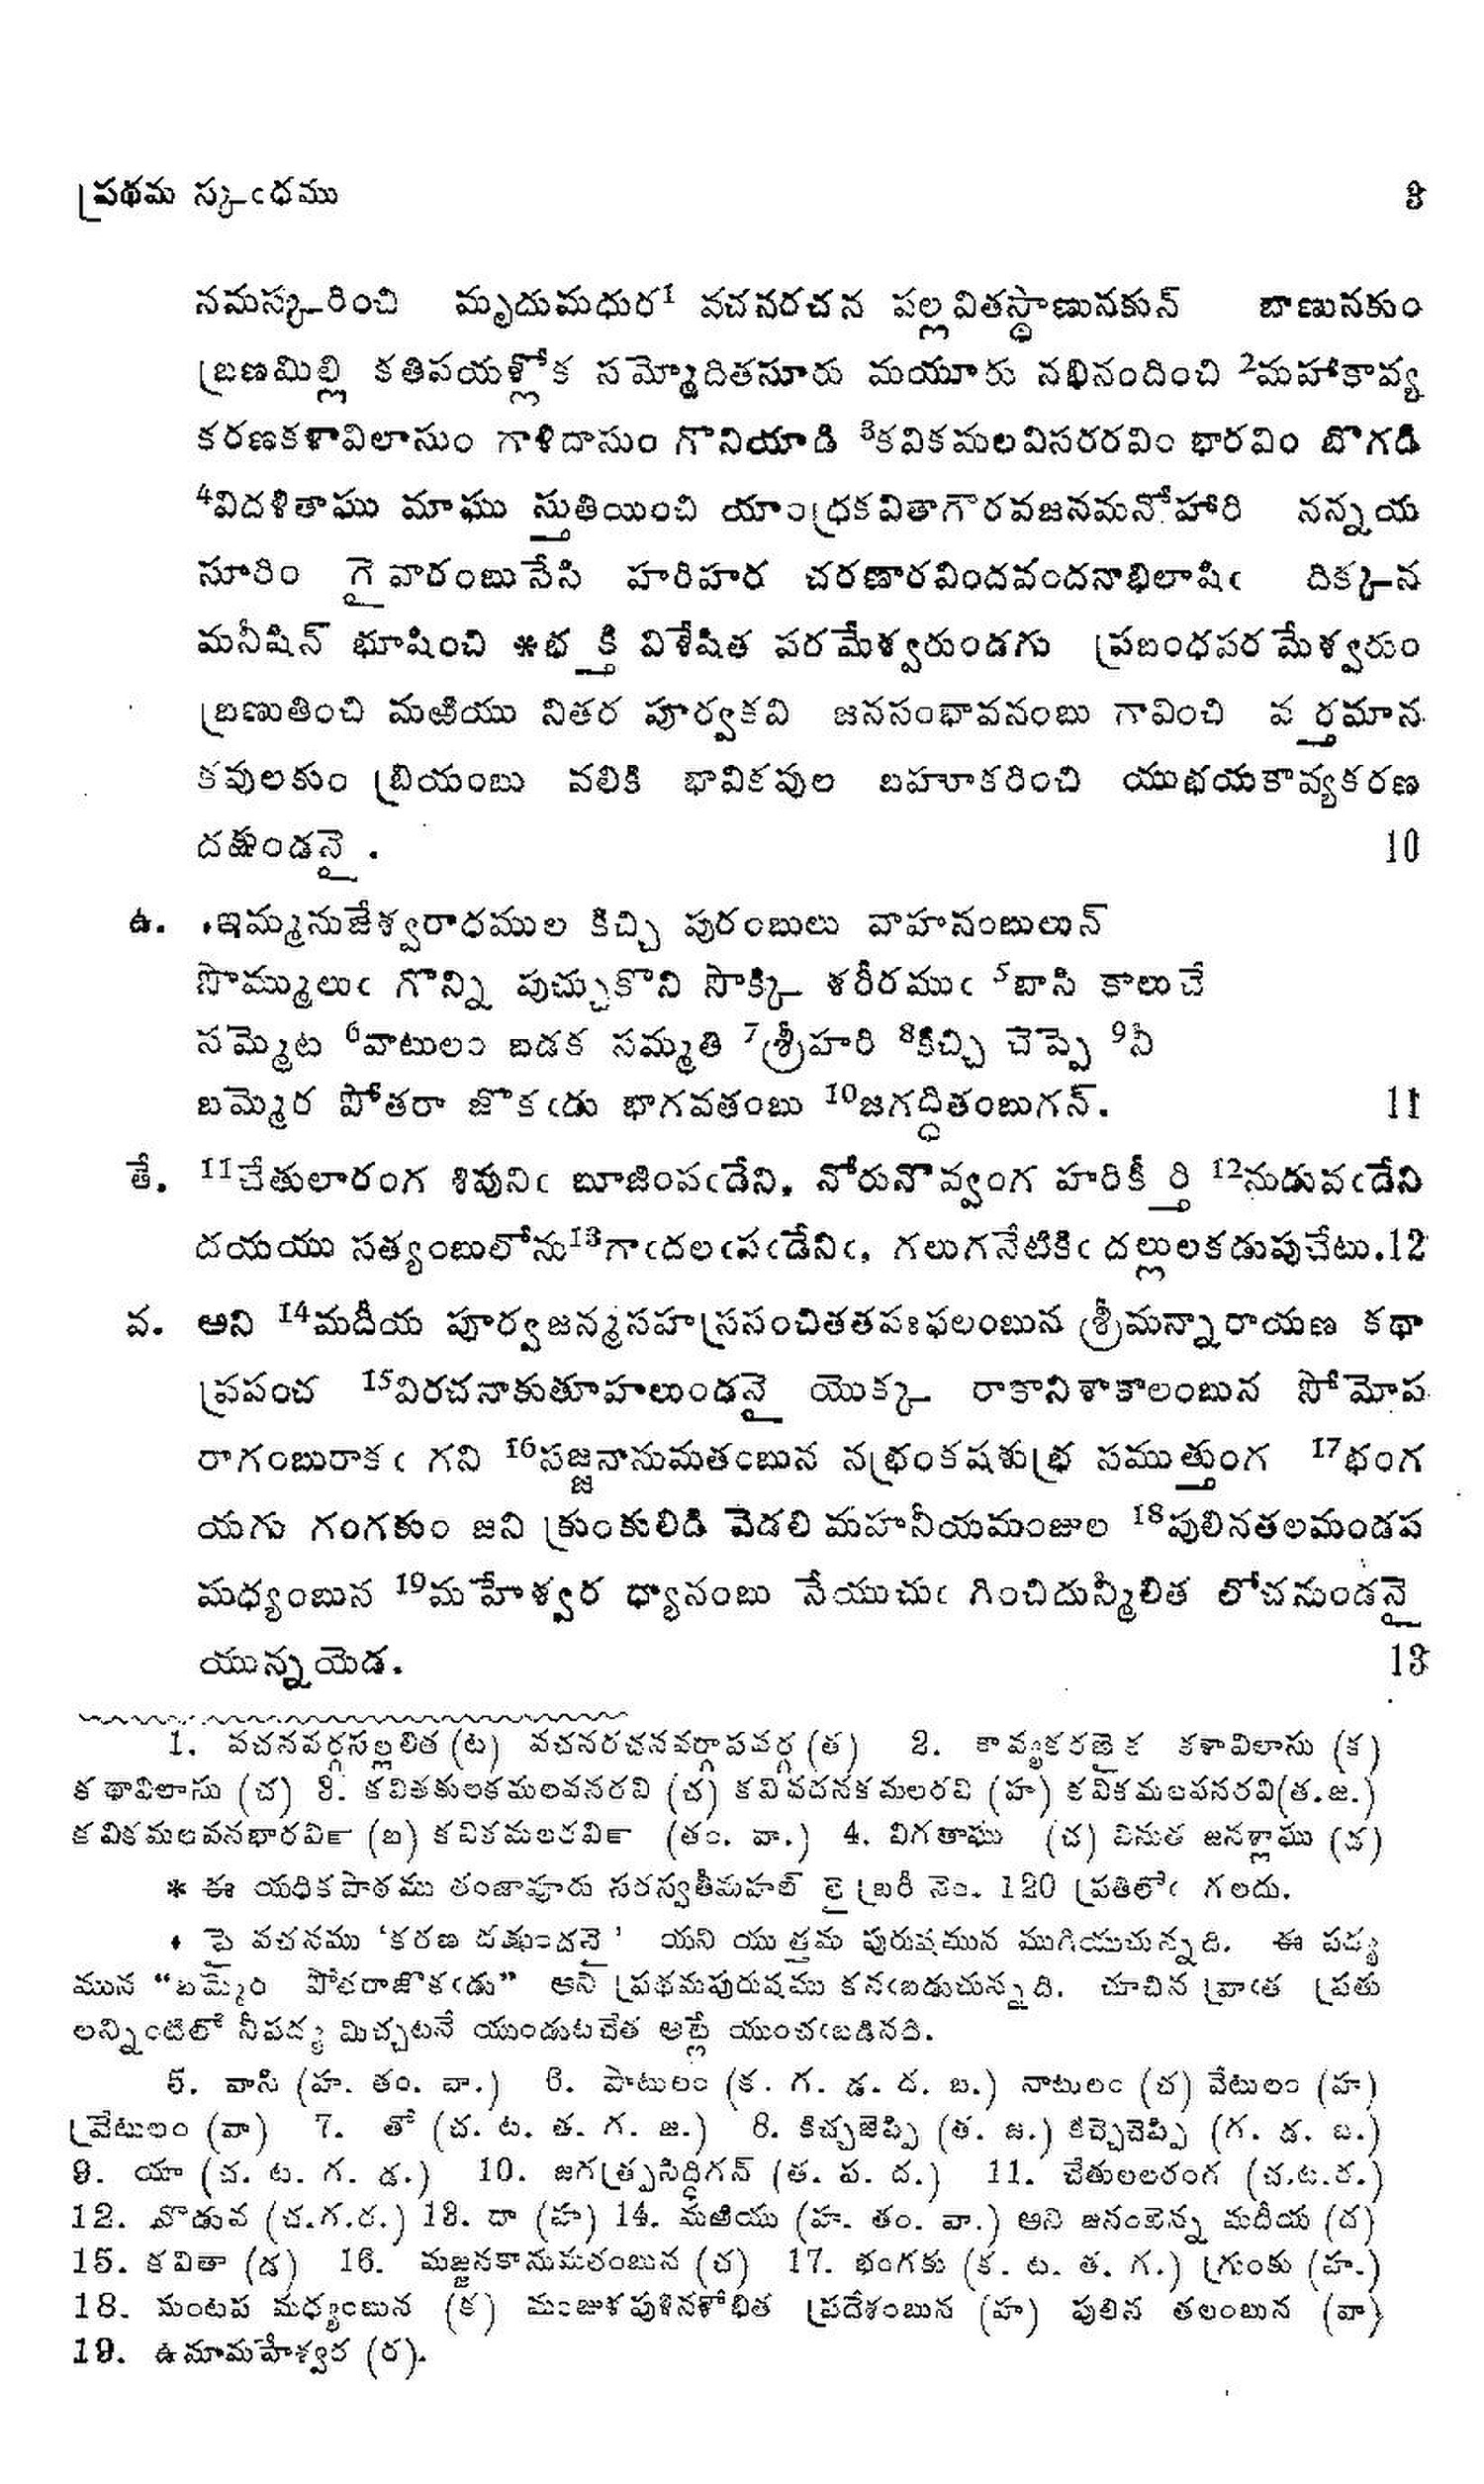3

నమస్కరించి మృధుమధుర వచన రచన పల్లవిత స్థాణునకున్ బాణునకుం బ్రణమిల్లి కతిపయశ్లోక సమ్మోదితసూరు మయూరు నభినందించి మహాకావ్యకరణకళావిలాసుం గాళిదాసుం గొనియాడి కవికమల విసర రవిన్ భారవిం బొగడి విదళితాఘు మాఘు స్తుతియించి యాంధ్రకవితాగౌరవజనమనోహారి నన్నయసూరిం గైవారంబు సేసి హరిహర చరణారవింద వందనాభిలాషిఁ దిక్కనమనీషిన్ భూషించి భక్తివిశేషిత పరమేశ్వరుండగు ప్రబంధపరమేశ్వరుం బ్రణుతించి మఱియు నితరపూర్వకవిజనసంభావనంబుఁ గావించి వర్తమానకవులకుఁ బ్రియంబు వలికి భావికవుల బహూకరించి యుభయకావ్యకరణదక్షుండనై,(1-10)

ఉ. ఇమ్మనుజేశ్వరాధములకిచ్చి పురంబులు వాహనంబులున్

సొమ్ములుఁ గొన్ని పుచ్చుకొని సొక్కి శరీరముఁ బాసి కాలుచే

సమ్మెట పోటులం బడక సమ్మతి శ్రీహరి కిచ్చి చెప్పె నీ

బమ్మెర పోతరాజొకఁడు భాగవతంబు జగద్ధితంబుగన్.(1-11)

తే. చేతులారంగ శివునిఁ బూజింపడేని, నోరు నొవ్వంగ హరికీర్తి నుడువడేని

దయయు సత్యంబు లోనుగాఁ దలఁపడేనిఁ , గలుగ నేటికిఁ దల్లుల కడుపుచేటు.(1-12)

వ. అని మదీయ పూర్వజన్మసహస్రసంచిత తప:ఫలంబున శ్రీమన్నారాయణ కథా విరచనాకుతూహలుండనై యొక్క రాకానిశాకాలంబున సోమోపరాగంబు రాకఁ గని సజ్జనానుమతంబున నభ్రంకష శుభ్ర సముత్తుంగ భంగ యగు గంగకుం జని క్రుంకులిడి వెడలి మహనీయ మంజుల పులినతల మండప మధ్యంబున మహేశ్వర ధ్యానంబు సేయుచుఁ గించిదున్మీలిత లోచనుండనై యున్నయెడ,(1-13)